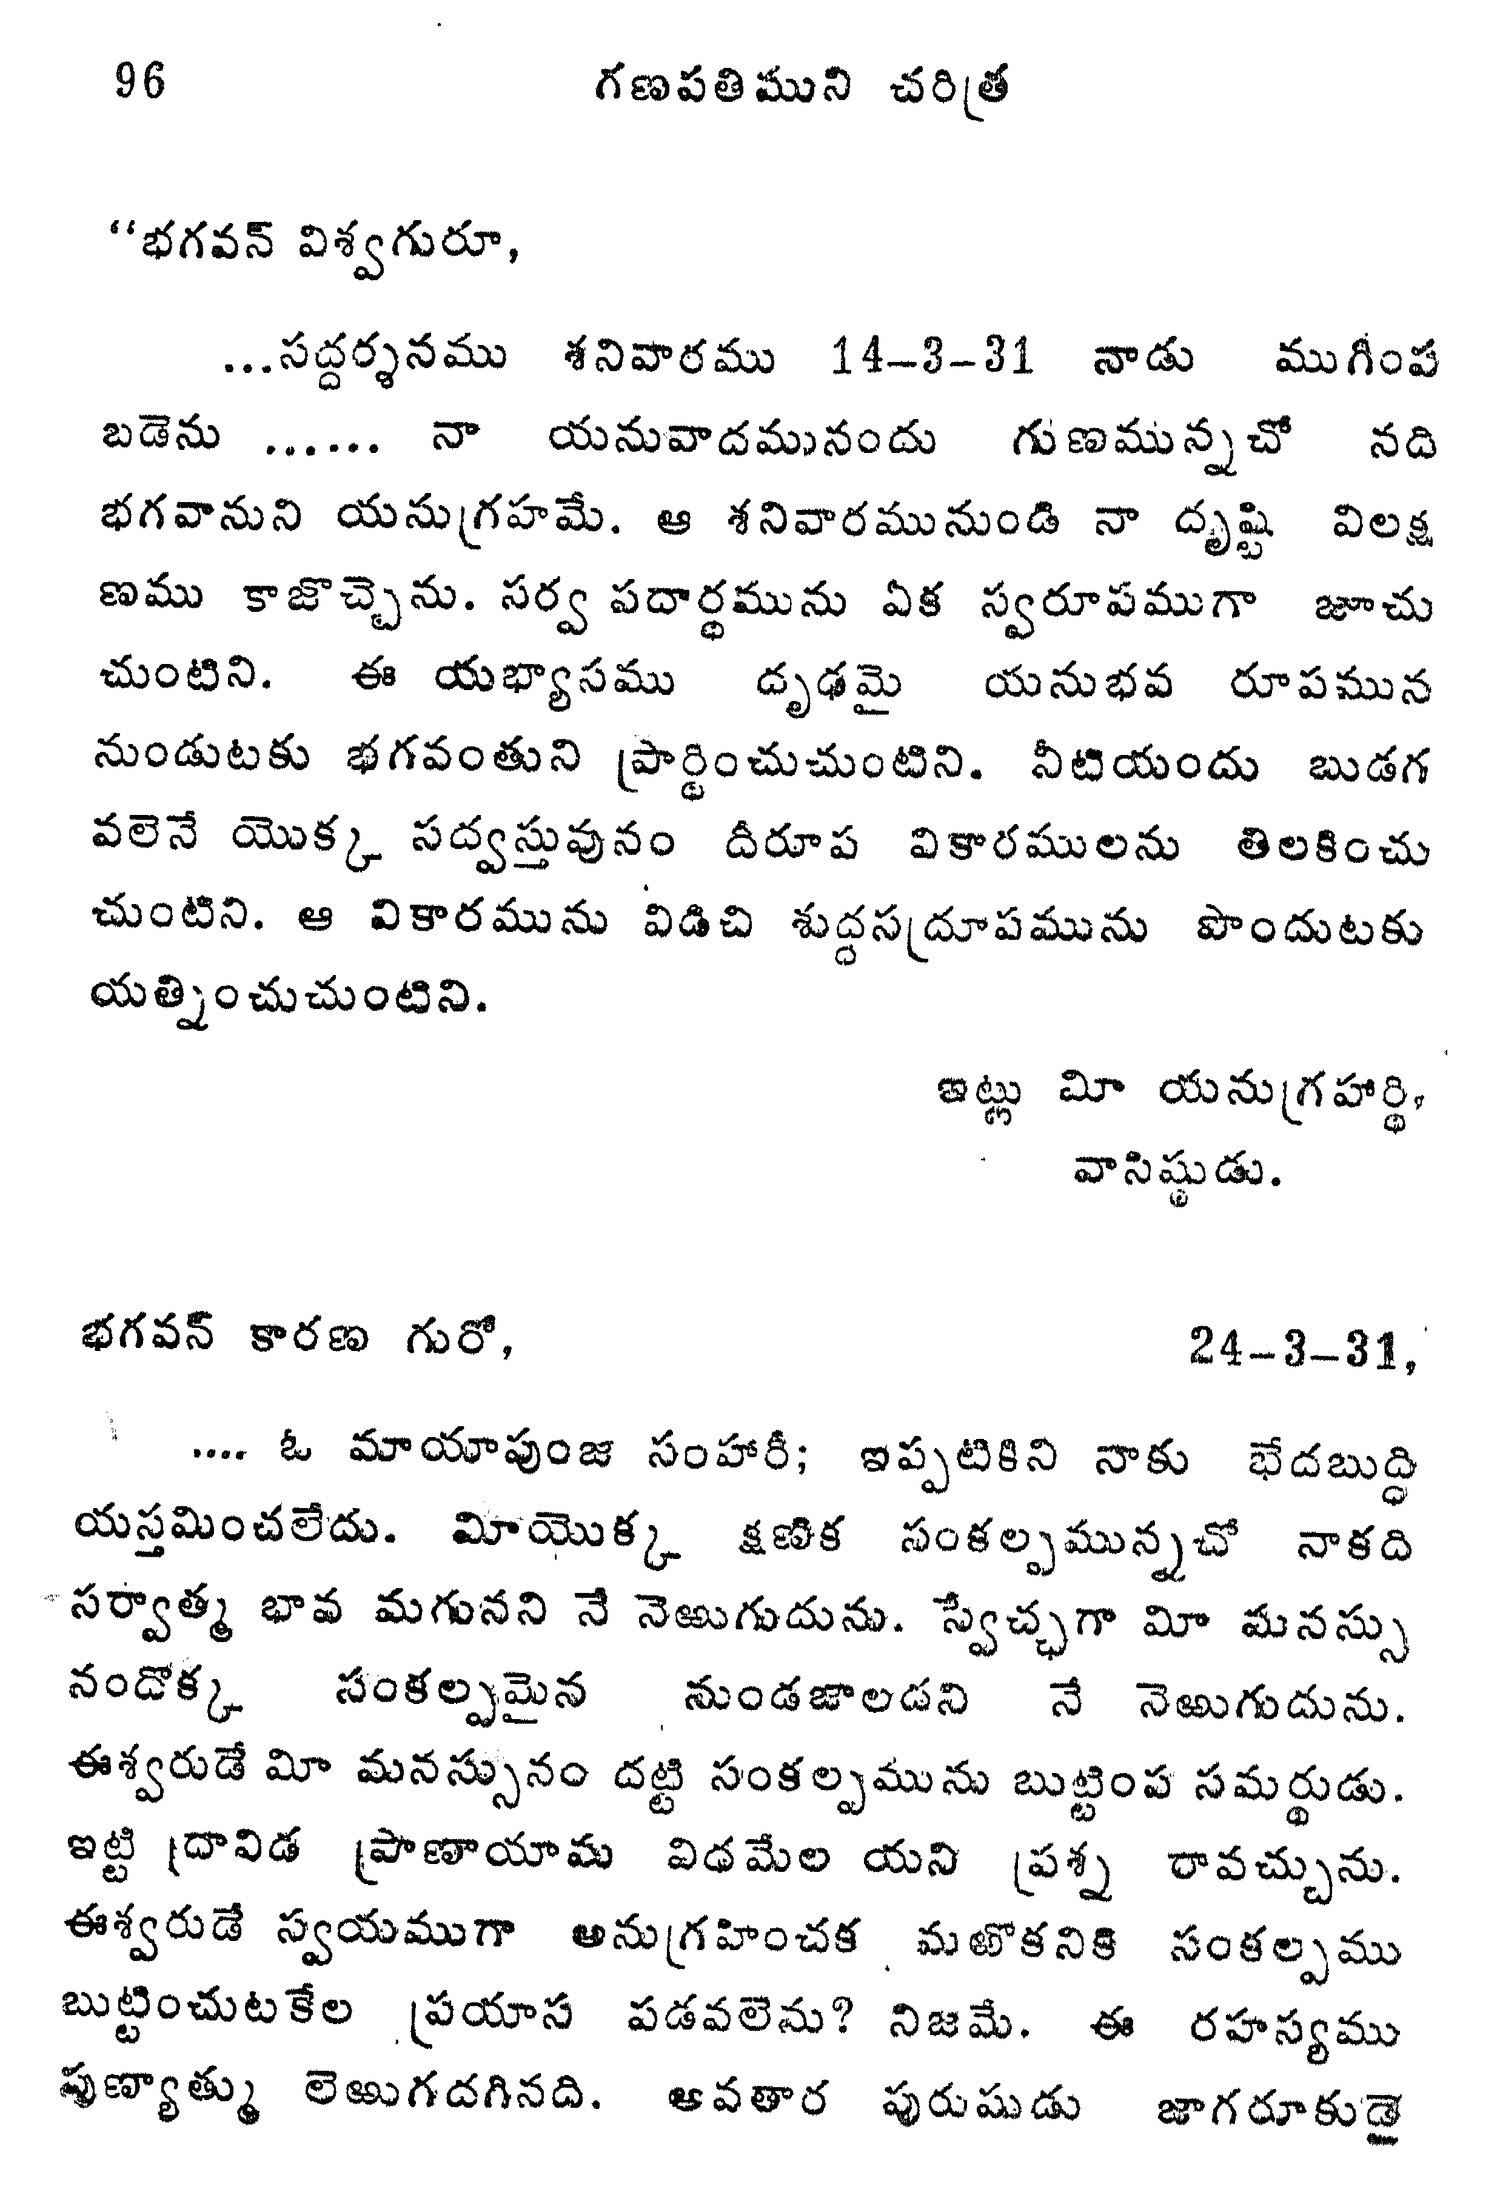"భగవన్ విశ్వగురూ,

...సద్దర్శనము శనివారము 14-3-31 నాడు ముగింప బడెను..... నా యనువాదమునందు గుణమున్నచో నది భగవానుని యనుగ్రహమే. ఆ శనివారమునుండి నా దృష్టి విలక్షణము కాజొచ్చెను. సర్వ పదార్థమును ఏక స్వరూపముగా జూచు చుంటిని. ఈ యభ్యాసమ దృఢమై యనుభవ రూపమున నుండుటకు భగవంతుని ప్రార్థించుచుంటిని. నీటియందు బుడగ వలెనే యొక్క సద్వస్తువునం దీరూప వికారములను తిలకించు చుంటిని. ఆ వికారమును విడిచి శుద్దసద్రూపమును పొందుటకు యత్నించుచుంటిని.

...ఓ మాయాపుంజ సంహారి; ఇప్పటికిని నాకు భేదబుద్ది యస్తమించలేదు. మీయొక్క క్షణిక సంకల్పమున్నచో నాకది సర్వాత్మ భావ మగునని నే నెఱుగుదును. స్వేచ్ఛగా మీ మనస్సు నందొక్క సంకల్పమైన నుండజాలదని నే నెఱుగుదును. ఈశ్వరుడే మీ మనస్సునం దట్టి సంకల్పమును బుట్టింప సమర్థుడు. ఇట్టి ద్రావిడ ప్రాణాయామ విదమేల యని ప్రశ్న రావచ్చును. ఈశ్వరుడే స్వయముగా అనుగ్రహించక మఱొకనికి సంకల్పము బుట్టించుటకేల ప్రయాస పడవలెను? నిజమే. ఈ రహస్యము పుణ్యాత్ము లెఱుగదగినది. అవతార పురుషుడు జాగరూకుడై